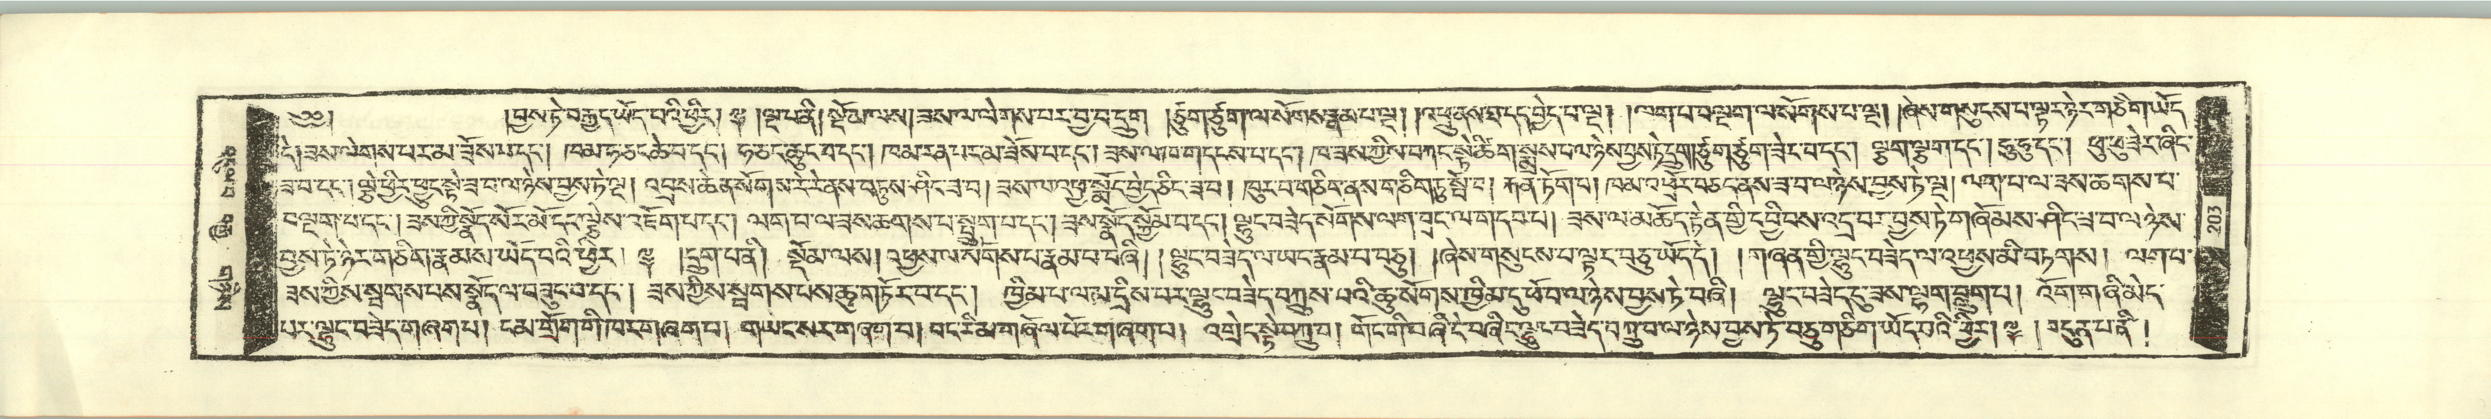༄༅། །བྱས་ཏེ་བརྒྱད་ཡོད་པའི་ཕྱིར། ༈ །ལྔ་པ་ནི། སྡོམ་ལས། ཟས་ལ་ལེགས་པར་བྱ་བ་དྲུག །ཙུག་ཙུག་ལ་སོགས་རྣམ་པ་ལྔ། །འཕྲུ་ནས་ཐ་དད་བྱེད་པ་ལྔ། །ལག་པ་བླྔག་ལ་སོགས་པ་ལྔ། །ཞེས་གསུངས་པ་ལྟར་ཉེར་གཅིག་ཡོད་
དེ། ཟས་ལེགས་པར་མ་ཟོས་པ་དང་། ཁམ་ཧ་ཅང་ཆེ་བ་དང་། ཧ་ཅང་ཆུང་བ་དང་། ཁམ་རན་པར་མ་ཟོས་པ་དང་། ཟཅ་ལ་ཁ་གདངས་པ་དང་། ཁ་ཟས་ཀྱིས་བཀང་སྟེ་ཚིག་སྨྲས་པ་ལ་ཉེས་བྱས་ཏེ་དྲུག །ཙུག་ཙུག་ཟེར་བ་དང་། ལྕག་ལྕག་དང་། ཧུ་ཧུ་དང་། ཕུ་ཕུ་ཟེར་ཞིང་
ཟ་བ་དང་། ལྕེ་ཕྱིར་ཕྱུང་སྟེ་ཟ་བ་ལ་ཉེས་བྱས་ཏེ་ལྔ། འབྲས་ཆེན་སོགས་རེ་རེ་ནས་བཏུས་ཤིང་ཟ་བ། ཟས་ལ་འཕྱ་སྨོད་བྱེད་ཅིང་ཟ་བ། ཁུར་བ་གཅིག་ནས་གཅིག་ཏུ་སྦོ་བ། རྐན་ཏོག་པ། ཁམ་འཕྲོར་བཅད་ནས་ཟ་བ་ལ་ཉེས་བྱས་ཏེ་ལྔ། ལག་པ་ལ་ཟས་ཆགས་པ་
བླྔག་པ་དང་། ཟས་ཀྱི་སྣོད་སོར་མོ་དང་ལྕེས་འཇོག་པ་དང་། ལག་པ་ལ་ཟས་ཆགས་པ་སྤྲུག་པ་དང་། ཟས་སྣོད་སྐྱོམ་པ་དང་། ལྷུང་བཟེད་སོགས་ལག་བྲང་ལ་གདབ་པ། ཟས་ལ་མཆོད་རྟེན་གྱི་དབྱིབས་འདྲ་བར་བྱས་ཏེ་གཞོམས་ཤིང་ཟ་བ་ལ་ཉེས་
བྱས་ཏེ་ཉེར་གཅིག་རྣམས་ཡོད་པའི་ཕྱིར། ༈ །དྲུག་པ་ནི། སྡོམ་ལས། འཕྱས་ལ་སོགས་པ་རྣམ་པ་བཞི། །ལྷུང་བཟེད་ལ་ཡང་རྣམ་པ་བཅུ། །ཞེས་གསུངས་པ་ལྟར་བཅུ་ཡོད་དེ། །གཞན་གྱི་ལྷུང་བཟེད་ལ་འཕྱས་མི་བཏགས། ལག་པ་
ཟས་ཀྱིས་སྤགས་པས་སྣོད་ལ་བཟུང་བ་དང་། ཟས་ཀྱིས་སྤགས་པས་ཆུ་གཏོར་བ་དང་། ཁྱིམ་པ་ལ་མ་དྲིས་པར་ལྷུང་བཟེད་བཀྲུས་པའི་ཆུ་སོགས་ཁྱིམ་དུ་ཕོ་བ་ལ་ཉེས་བྱས་ཏེ་བཞི། ལྷུང་བཟེད་དུ་ཟས་ལྷག་བླུག་པ། འོག་གཞི་མེད་
པར་ལྷུང་བཟེད་གཞག་པ། ངམ་གྲོག་གི་ཁར་གཞག་པ། གཡང་སར་གཞག་པ། བང་རིམ་གཞོལ་པོར་གཞག་པ། འགྲེང་སྟེ་བཀྲུ་བ། གོང་གི་བཞི་དེ་བཞིང་ལྷུང་བཟེད་བཀྲུ་བ་ལ་ཉེས་བྱས་ཏེ་བཅུ་གཅིག་ཡོད་པའི་ཕྱིར། ༈ །བདུན་པ་ནི།